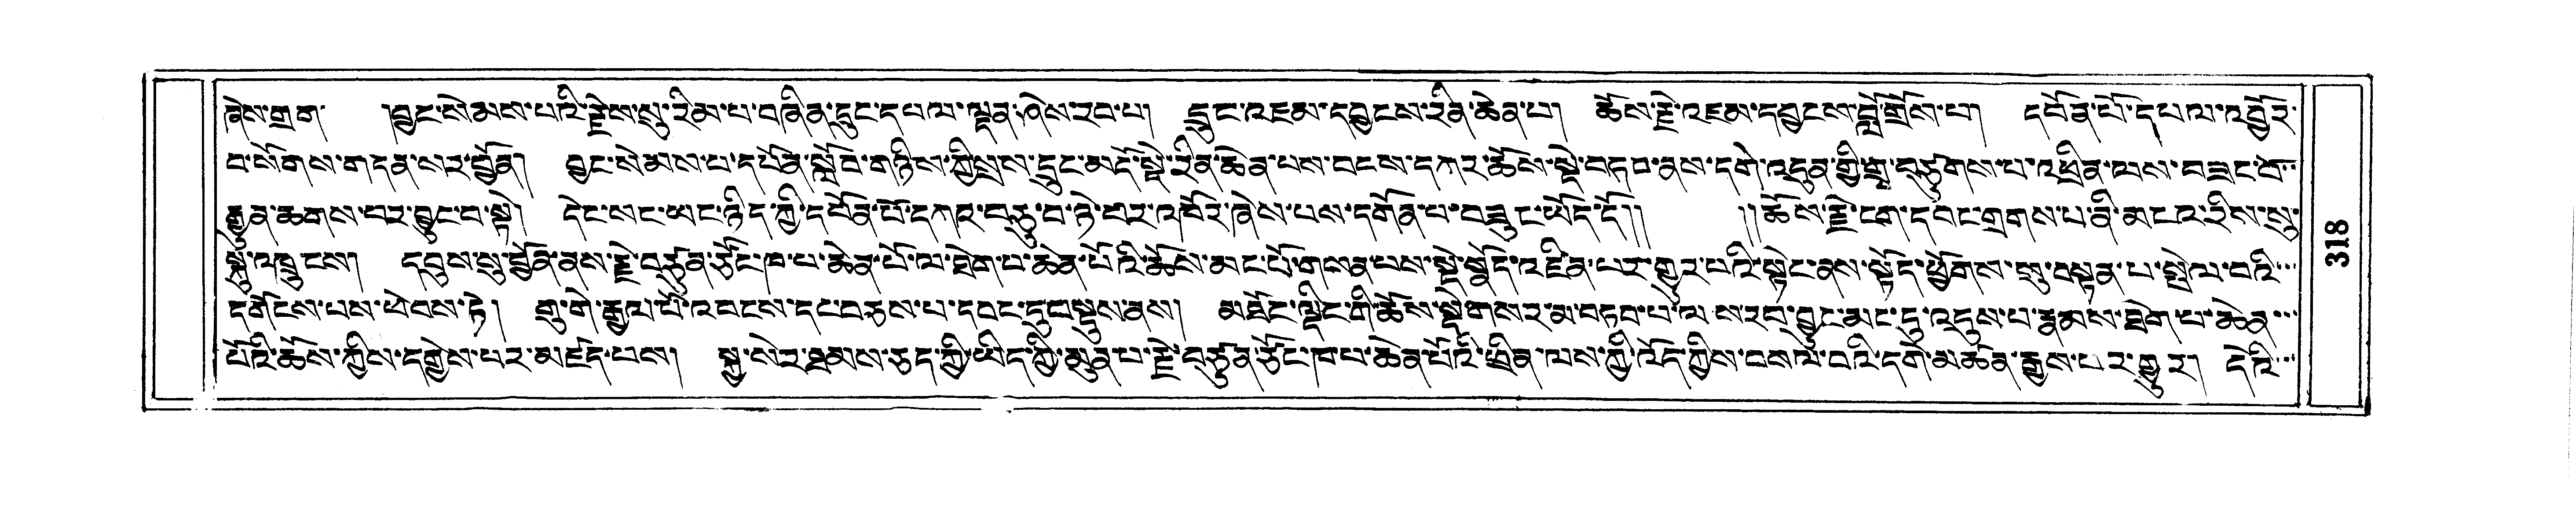ཞེས་གྲག །བྱང་སེམས་པའི་རྗེས་སུ་རིམ་པ་བཞིན་དྲུང་དཔལ་ལྡན་ཤེས་རབ་པ། དྲུང་འཇམ་དབྱངས་རིན་ཆེན་པ། ཆོས་རྗེ་འཇམ་དབྱངས་བློ་གྲོས་པ། དཔོན་པོ་དཔལ་འབྱོར་
བ་སོགས་གདན་སར་བྱོན། བྱང་སེམས་པ་དཔོན་སློབ་གཉིས་ཀྱི་སྲས་དྲུང་མདོ་སྡེ་རིན་ཆེན་པས་བདས་དཀར་ཆོས་སྡེ་བཏབ་ནས་དགེ་འདུན་གྱི་གྲྭ་བཙུགས་པ་འཕྲིན་ལས་བཟང་བོ་
རྒྱུན་ཆགས་པར་བྱུང་བ་སྟེ། དེང་སང་ཡང་ཉིད་ཀྱི་དཔོན་པོ་དཀའ་བཅུ་བ་ཉེ་བར་འཁོར་ཞེས་པས་དགོན་པ་བཟུང་ཡོད་དོ།། །།ཆོས་རྗེ་ངག་དབང་གྲགས་པ་ནི་མངའ་རིས་སུ་
སྐུ་འཁྲུངས། དབུས་སུ་བྱོན་ནས་རྗེ་བཙུན་ཙོང་ཁ་པ་ཆེན་པོ་ལ་ཐེག་པ་ཆེན་པོའི་ཆོས་མང་པོ་གསན་པས་སྡེ་སྣོད་འཛིན་པར་གྱུར་པའི་སྟེང་ནས་སྟོད་ཕྱོགས་སུ་བསྟན་པ་སྤེལ་བའི་
དགོངས་པས་ཕེབས་ཏེ། གུ་གེ་རྒྱལ་པོ་འབངས་དང་བཅས་པ་དབང་དུ་བསྡུས་ནས། མཐོང་ལྡིང་གི་ཆོས་སྡེ་གསར་མ་བཏབ་པ་ལ་ས་རབ་བྱུང་མང་དུ་འདུས་པ་རྣམས་ཐེག་པ་ཆེན་
པོའི་ཆོས་ཀྱིས་དགྱེས་པར་མཛད་པས། སྐྱ་སེར་ཐམས་ཅད་ཀྱི་ཡིད་ཀྱི་མུན་པ་རྗེ་བཙུན་ཙོང་ཁ་པ་ཆེན་པོའི་ཕྲིན་ལས་ཀྱི་འོད་ཀྱིས་བསལ་བའི་དགེ་མཚན་རྒྱས་པར་གྱུར། དེའི་